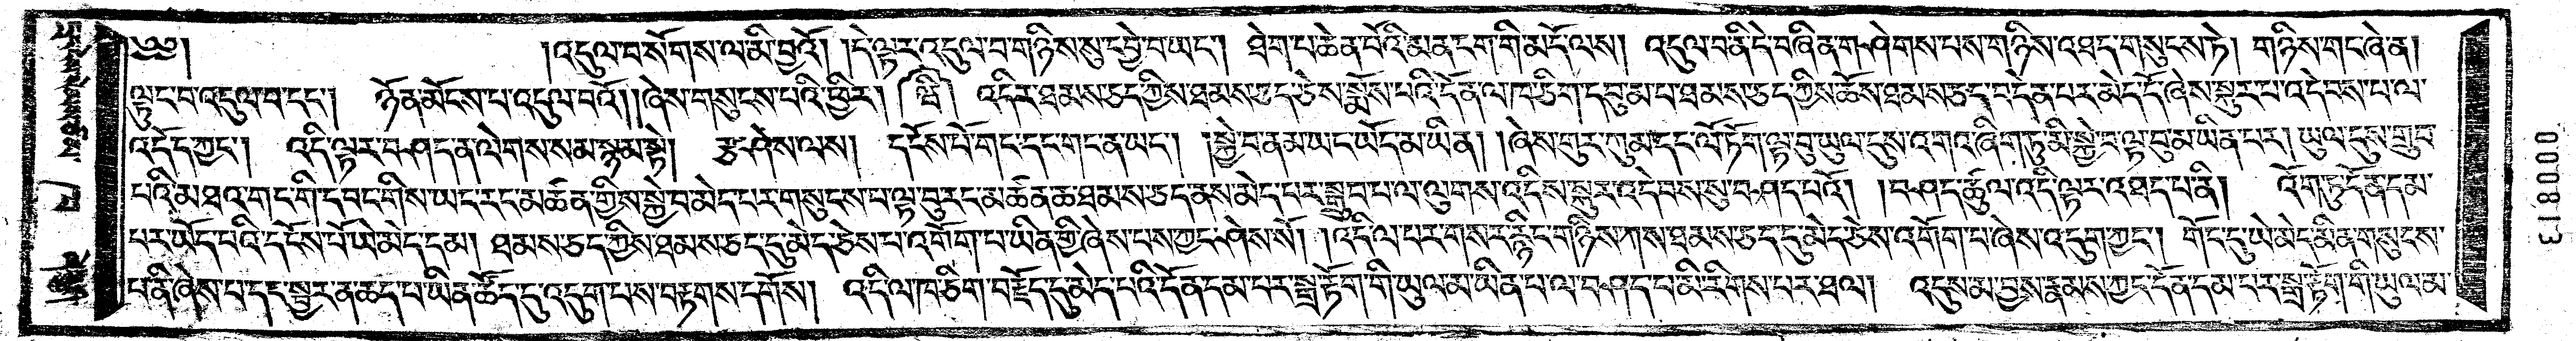༄༅། །འདུལ་བ་སོགས་ལ་མི་བྱའོ། །དེ་ལྟར་འདུལ་བ་གཉིས་སུ་དབྱེ་བ་ཡང་། ཐེག་པ་ཆེན་པོའི་མན་ངག་གི་མདོ་ལས། འདུལ་བ་ནི་དེ་བཞིན་གཤེགས་པས་གཉིས་འཐད་གསུངས་ཏེ། གཉིས་གང་ཞེ་ན།
ལྟུང་བ་འདུལ་བ་དང་། ཉོན་མོངས་པ་འདུལ་བའོ། །ཞེས་གསུངས་པའི་ཕྱིར། ༼ཝི༽ འདིར་ཐམས་ཅད་ཀྱིས་ཐམས་ཅད་ཅེས་སྨོས་པའི་དོན་ལ་ཁ་ཅིག་དབུ་མ་པ་ཐམས་ཅད་ཀྱིས་ཆོས་ཐམས་ཅད་བདེན་པར་མེད་དོ་ཞེས་སྐུར་བ་འདེབས་པ་ལ་
འདོད་ཀྱང་། འདི་ལྟར་བཤད་ན་ལེགས་སམ་སྙམ་སྟེ། རྩ་ཤེས་ལས། དངོས་པོ་གང་དང་གང་ན་ཡང་། །སྐྱེ་བ་ནམ་ཡང་ཡོད་མ་ཡིན། །ཞེས་གུར་ཀུམ་དང་ལོ་ཏོག་ལྟ་བུ་ཡུལ་དུས་འགའ་ཞིག་ཏུ་མི་སྐྱེ་བ་ལྟ་བུ་མ་ཡིན་པར། ཡུལ་དུས་གྲུབ་
པའི་མཐའ་གང་གི་དབང་གིས་ཡང་རང་མཚན་གྱིས་སྐྱེ་བ་མེད་པར་གསུངས་པ་ལྟ་བུ་རང་མཚན་ཆ་ཐམས་ཅད་ནས་མེད་པར་སྒྲུབ་པ་ལ་ལུགས་འདིས་སྐུར་འདེབས་སུ་བཤད་པའོ། །བཤད་ཚུལ་འདི་ལྟར་འཐད་པ་ནི། འོག་ཏུ་དོན་དམ་
པར་ཡོད་པའི་དངོས་པོ་ཡེ་མེད་དམ། ཐམས་ཅད་ཀྱིས་ཐམས་ཅད་དུ་མེད་ཅེས་པ་འགོག་པ་ཡིན་གྱི་ཞེས་པས་ཀྱང་ཤེས་སོ། །འདི་ལ་པར་གསར་རྙིང་གཉིས་ཀས་ཐམས་ཅད་དུ་མེད་ཅེས་འགོག་པ་ཞེས་འདུག་ཀྱང་། གོང་དུ་ཡེ་མེད་མིན་གསུངས་
པ་ནི་ཞེས་པ་དང་སྦྱར་ན་ཆད་པ་ཡིན་ཚོད་དུ་འདུག་པས་བརྟགས་དགོས། འདི་ལ་ཁ་ཅིག་བརྗོད་དུ་མེད་པའི་དོན་དམ་པར་སྒྲ་རྟོག་གི་ཡུལ་མ་ཡིན་པ་ལ་བཤད་པ་མི་རིགས་པར་ཐལ། འདུས་མ་བྱས་རྣམས་ཀྱང་དོན་དམ་པར་སྒྲ་རྟོག་གི་ཡུལ་མ་